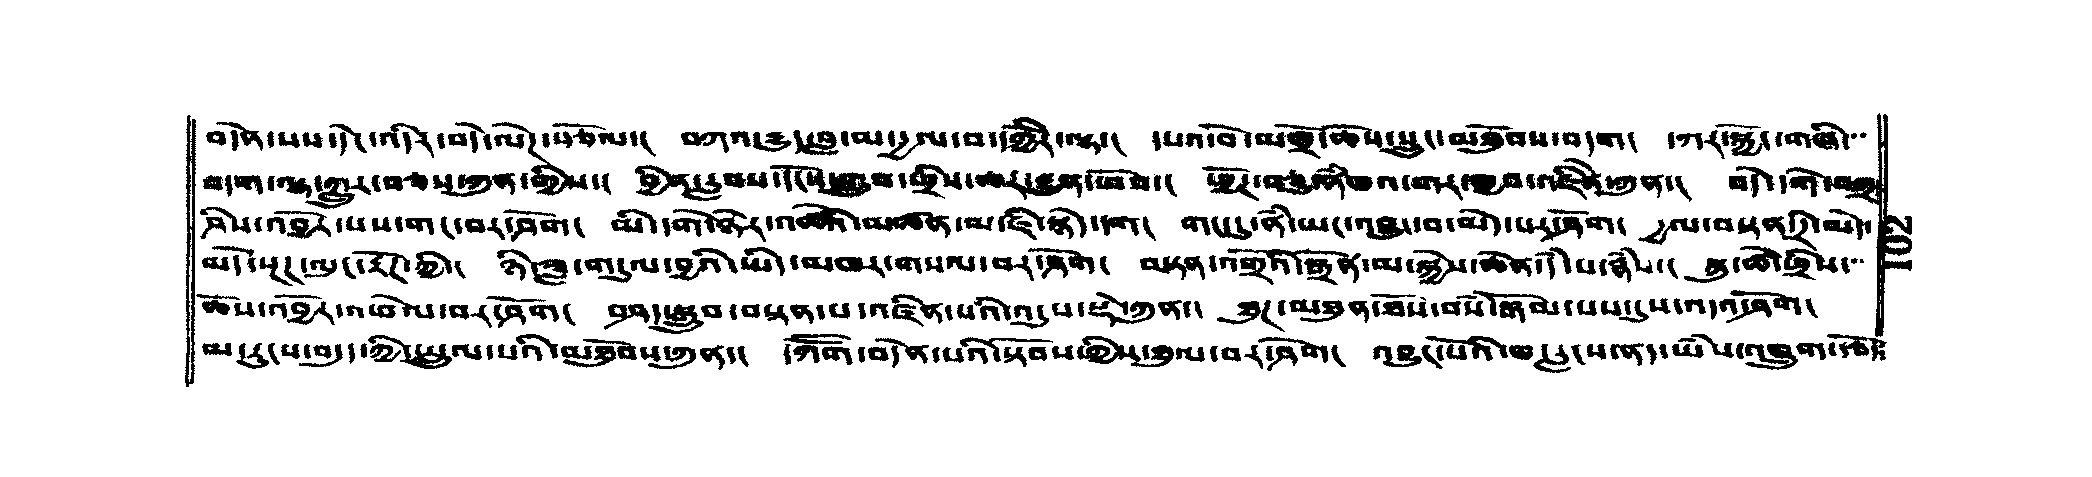བདེན་པས་དེང་འདིར་བདེ་ལེགས་སྩོལ། །བཀའ་རྒྱུད་བླ་མ་རྒྱལ་བ་དཀྱིལ་འཁོར་ལྷ། །དཔའ་བོ་མཁའ་འགྲོ་ཆོས་སྲུང་མཐུ་སྟོབས་བདག །དཀར་སྐྱོང་གཞི་
བདག་ལྷ་ཀླུར་བཅས་ཀུན་གྱིས། །བྱིན་རླབས་དངོས་གྲུབ་ཕྲིན་ལས་ཆར་རྒྱུན་ཕོབ། །ཕྱོགས་བཅུ་ནམ་མཁའ་གར་ཁྱབ་འཇིག་རྟེན་ཀུན། །བདེ་དགེ་བཀྲ་
ཤིས་འབྱོར་པས་གང་བར་ཤོག །མི་དགེ་ཉེར་འཚེའི་མཚན་མ་ཇི་སྙེད་དག །གང་དུ་ནམ་ཡང་འབྱུང་བ་མེད་པར་ཤོག །རྒྱལ་བསྟན་དྲི་མེད་
མདོ་སྔགས་ལུང་རྟོགས་ཀྱི། །ཉི་ཟླ་གདུལ་བྱའི་ཡིད་མཁར་གསལ་བར་ཤོག །བསྟན་འགྲོའི་སྒྲོལ་མ་སྐྱེས་ཆེན་དམ་པ་རྣམས། །སྐུ་ཚེ་ཕྲིན་ལས་
ཆོས་འབྱོར་འཕེལ་བར་ཤོག །བཤད་སྒྲུབ་བསྟན་པ་འཛིན་པའི་འདུས་སྡེ་ཀུན། །ཐུགས་མཐུན་ཐོས་བསམ་སྒོམ་པས་དུས་འདའ་ཤོག །
མ་རུངས་བདུད་ཀྱི་སྤྲུལ་པའི་མཐུ་སྟོབས་ཀུན། །དཀོན་མཆོག་བདེན་པའི་སྟོབས་ཀྱིས་ཐུལ་བར་ཤོག །འབྱུང་པོའི་ཁ་རླངས་ནད་ཡམས་འཁྲུག་རྩོད་